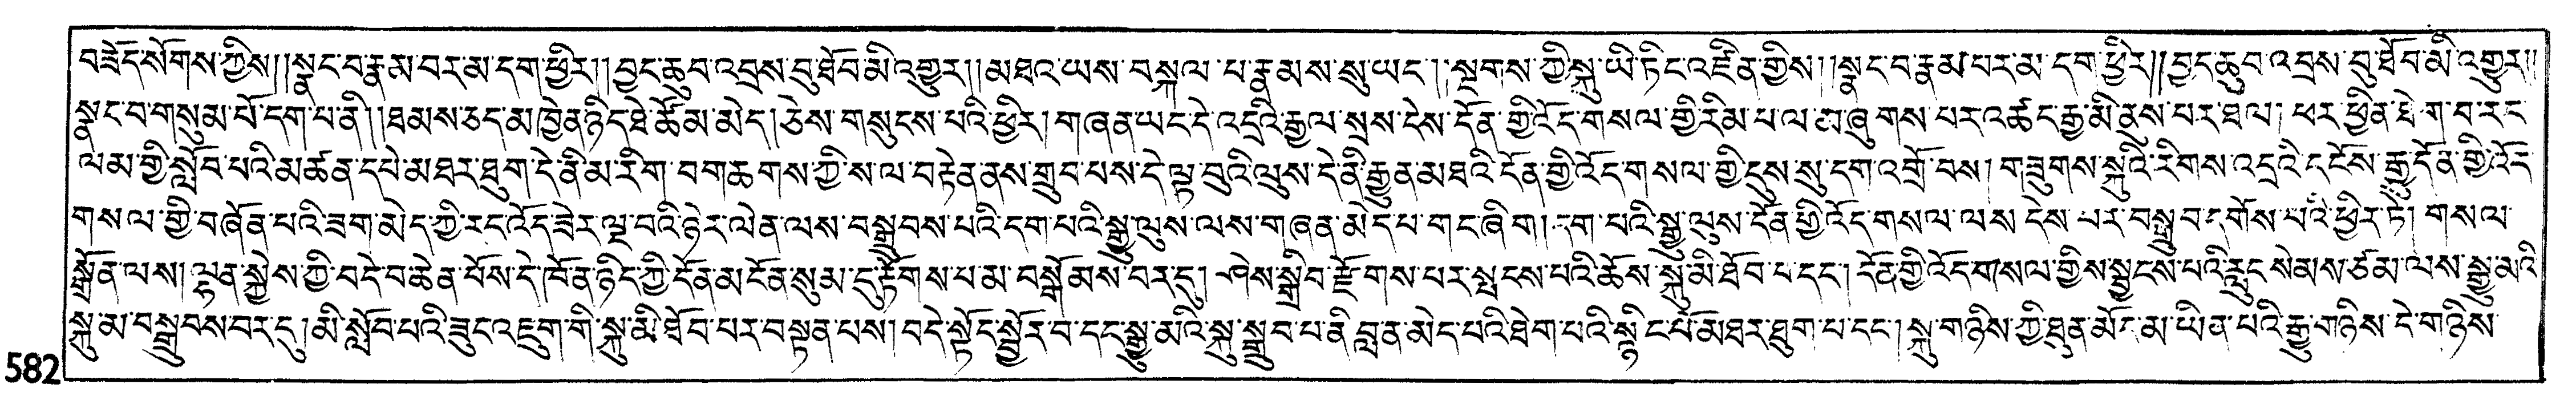བཟོད་སོགས་ཀྱིས། །སྣང་བ་རྣམ་པར་མ་དག་ཕྱིར། །བྱང་ཆུབ་འབྲས་བུ་ཐོབ་མི་འགྱུར། །མཐའ་ཡས་བསྐལ་པ་རྣམས་སུ་ཡང་། །སྔགས་ཀྱི་སྐུ་ཡི་ཏིང་འཛིན་གྱིས། །སྣང་བ་རྣམ་པར་མ་དག་ཕྱིར། །བྱང་ཆུབ་འབྲས་བུ་ཐོབ་མི་འགྱུར། །
སྣང་བ་གསུམ་པོ་དག་པ་ནི། །ཐམས་ཅད་མཁྱེན་ཉིད་ཐེ་ཚོམ་མེད། ཅེས་གསུངས་པའི་ཕྱིར། གཞན་ཡང་དེ་འདྲའི་རྒྱལ་སྲས་ངེས་དོན་གྱི་འོད་གསལ་གྱི་རིམ་པ་ལ་མ་ཞུགས་པར་འཚང་རྒྱ་མི་ནུས་པར་ཐལ། ཕར་ཕྱིན་ཐེག་པ་རང་
ལམ་གྱི་སློབ་པའི་མཚན་དཔེ་མཐར་ཐུག་དེ་ནི་མ་རིག་བག་ཆགས་ཀྱི་ས་ལ་བརྟེན་ནས་གྲུབ་པས་དེ་ལྟ་བུའི་ལུས་དེ་ནི་རྒྱུན་མཐའི་དོན་གྱི་འོད་གསལ་གྱི་དུས་སུ་དག་འགྲོ་བས། གཟུགས་སུའི་རིགས་འདྲའི་དངོས་རྒྱུ་དོན་གྱི་འོད་
གསལ་གྱི་བཞོན་པའི་ཟག་མེད་ཀྱི་རང་འོད་ཟེར་ལྔ་བའི་ཉེར་ལེན་ལས་བསྒྲུབས་པའི་དག་པའི་སྒྱུ་ལུས་ལས་གཞན་མེད་པ་གང་ཞིག །དག་པའི་སྒྱུ་ལུས་དོན་གྱི་འོད་གསལ་ལས་ངེས་པར་བསྒྲུབ་དགོས་པའི་ཕྱིར་ཏེ། གསལ་
སྒྲོན་ལས། ལྷན་སྐྱེས་ཀྱི་བདེ་བ་ཆེན་པོས་དེ་ཁོ་ན་ཉིད་ཀྱི་དོན་མངོན་སུམ་དུ་རྟོགས་པ་མ་བསྒོམས་བར་དུ། ཤེས་སྒྲིབ་རྫོགས་པར་སྤངས་པའི་ཆོས་སྐུ་མི་ཐོབ་པ་དང་། དོན་གྱི་འོད་གསལ་གྱིས་སྦྱངས་པའི་རླུང་སེམས་ཙམ་ལས་སྒྱུ་མའི་
སྐུ་མ་བསྒྲུབས་བར་དུ། མི་སློབ་པའི་ཟུང་འཇུག་གི་སྐུ་མི་ཐོབ་པར་བསྟན་པས། བདེ་སྟོང་སྦྱོར་བ་དང་སྒྱུ་མའི་སྐུ་སྒྲུབ་པ་ནི་བླ་ན་མེད་པའི་ཐེག་པའི་སྙིང་པོ་མཐར་ཐུག་པ་དང་། སྐུ་གཉིས་ཀྱི་ཐུན་མོང་མ་ཡིན་པའི་རྒྱུ་གཉིས་དེ་གཉིས་